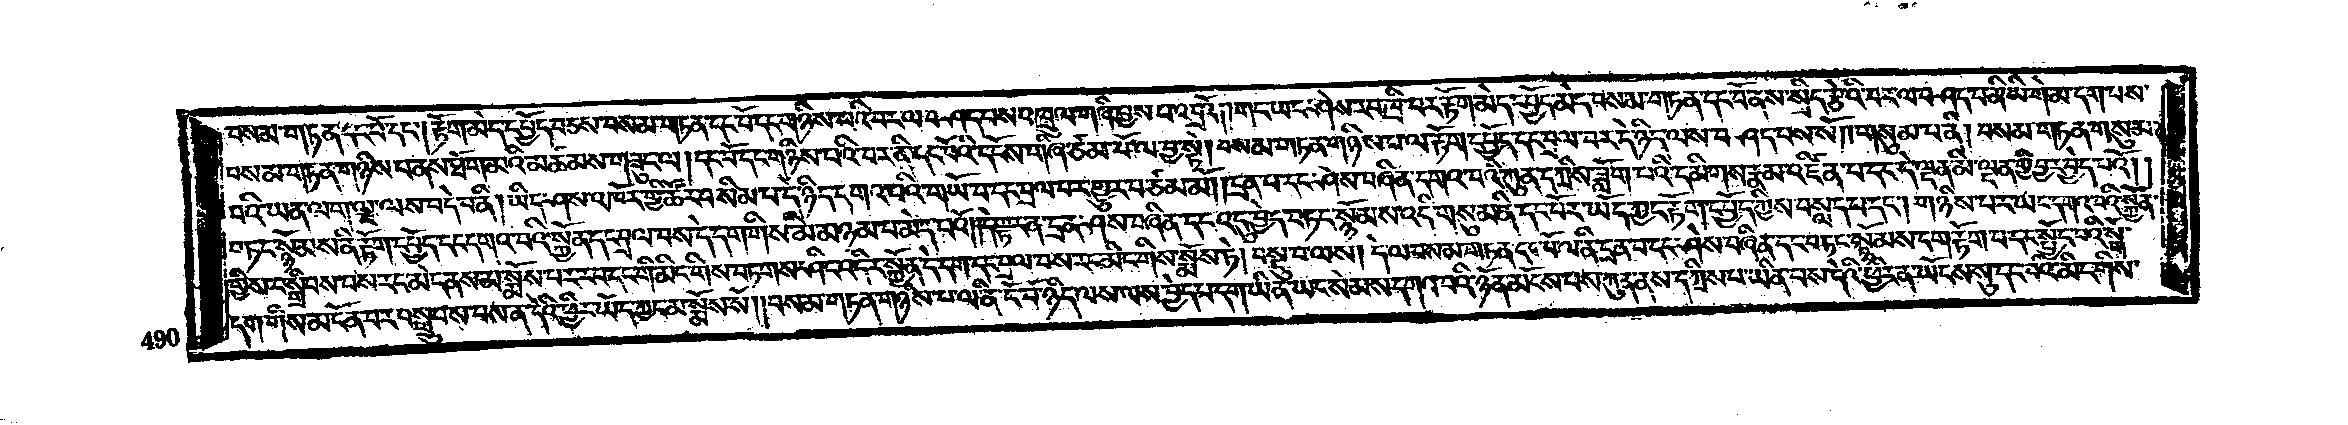བསམ་གཏན་དང་པོ་དང་། རྟོག་མེད་དཔྱོད་བཅས་བསམ་གཏན་དང་པོ་དང་གཉིས་པའི་བར་ལ་བཤད་པས་འཁྲུལ་གཞི་བྱས་པ་འདྲའོ། །གང་ཡང་ཤེས་རབ་ཁྲི་བར་རྟོག་མེད་དཔྱོད་མེད་བསམ་གཏན་དང་པོ་ནས་སྲིད་རྩེའི་བར་ལ་བཤད་པ་ནི་ཡི་གེ་མ་དག་པས་
བསམ་གཏན་གཉིས་པ་ནས་ཐོག་མའི་མཚམས་གཟུང་ལ། དང་པོ་དང་གཉིས་པའི་བར་ནི་དང་པོའི་དངོས་གཞི་ཙམ་པོ་ལ་བྱ་སྟེ། བསམ་གཏན་གཉིས་པ་ལ་རྟོག་དཔྱོད་དང་བྲལ་བར་དེ་ཉིད་ལས་བཤད་པས་སོ། །གསུམ་པ་ནི། བསམ་གཏན་གསུམ་
པའི་ཡན་ལག་ལྔ་ལས་བདེ་བ་ནི། ཡིད་ཤེས་འཁོར་གྱི་ཚོར་བ་སིམ་པ་དེ་ཉིད་དགའ་བའི་གཡོ་བ་དང་བྲལ་བར་གྱུར་པ་ཙམ་མོ། །དྲན་པ་དང་ཤེས་བཞིན་དགའ་བའི་ཀུན་དཀྲིས་ཟློག་པའི་དམིགས་རྣམ་འཛིན་པ་དང་དེ་ལྡན་མི་ལྡན་གྱི་བྱ་ར་བྱེད་པའོ། །
བཏང་སྙོམས་ནི་རྟོག་དཔྱོད་དང་དགའ་བའི་སྐྱོན་དང་བྲལ་བས་དེ་དག་གིས་མི་མཉམ་པ་མེད་པའོ། །དེ་ལྟར་ན་དྲན་ཤེས་བཞིན་དང་འདུ་བྱེད་བཏང་སྙོམས་འདི་གསུམ་ནི་དང་པོར་ཡོད་ཀྱང་རྟོག་དཔྱོད་ཀྱིས་བསླད་པ་དང་། གཉིས་པར་ཡང་དགའ་བའི་སྐྱོན་
གྱིས་བསྒྲིབས་པས་རང་མེད་ནས་མ་སྨོས་པར་རབ་དང་གི་མིང་གིས་བཏགས་ཤིང་འདིར་སྐྱོན་དེ་དག་དང་བྲལ་བས་རང་མིང་གིས་སྨོས་ཏེ། བསྡུ་བ་ལས། དེ་ལ་བསམ་གཏན་དང་པོ་ལ་ནི་དྲན་པ་དང་ཤེས་བཞིན་དང་བཏང་སྙོམས་དག་རྟོག་པ་དང་སྤྱོད་པའི་སྒོ་
དག་གིས་མངོན་པར་བསྒྲུབས་པས་ན་དེའི་ཕྱིར་ཡོད་ཀྱང་མ་སྨོས་སོ། །བསམ་གཏན་གཉིས་པ་ལ་ནི་ངོ་བོ་ཉིད་ལས་ལས་བྱེད་པ་དག་ཡིན་ཡང་སེམས་དགའ་བའི་ཉོན་མོངས་པས་ཀུན་ནས་དཀྲིས་པ་ཡིན་པས་དེའི་ཕྱིར་ན་ཡོངས་སུ་དང་བའི་མིང་གིས་